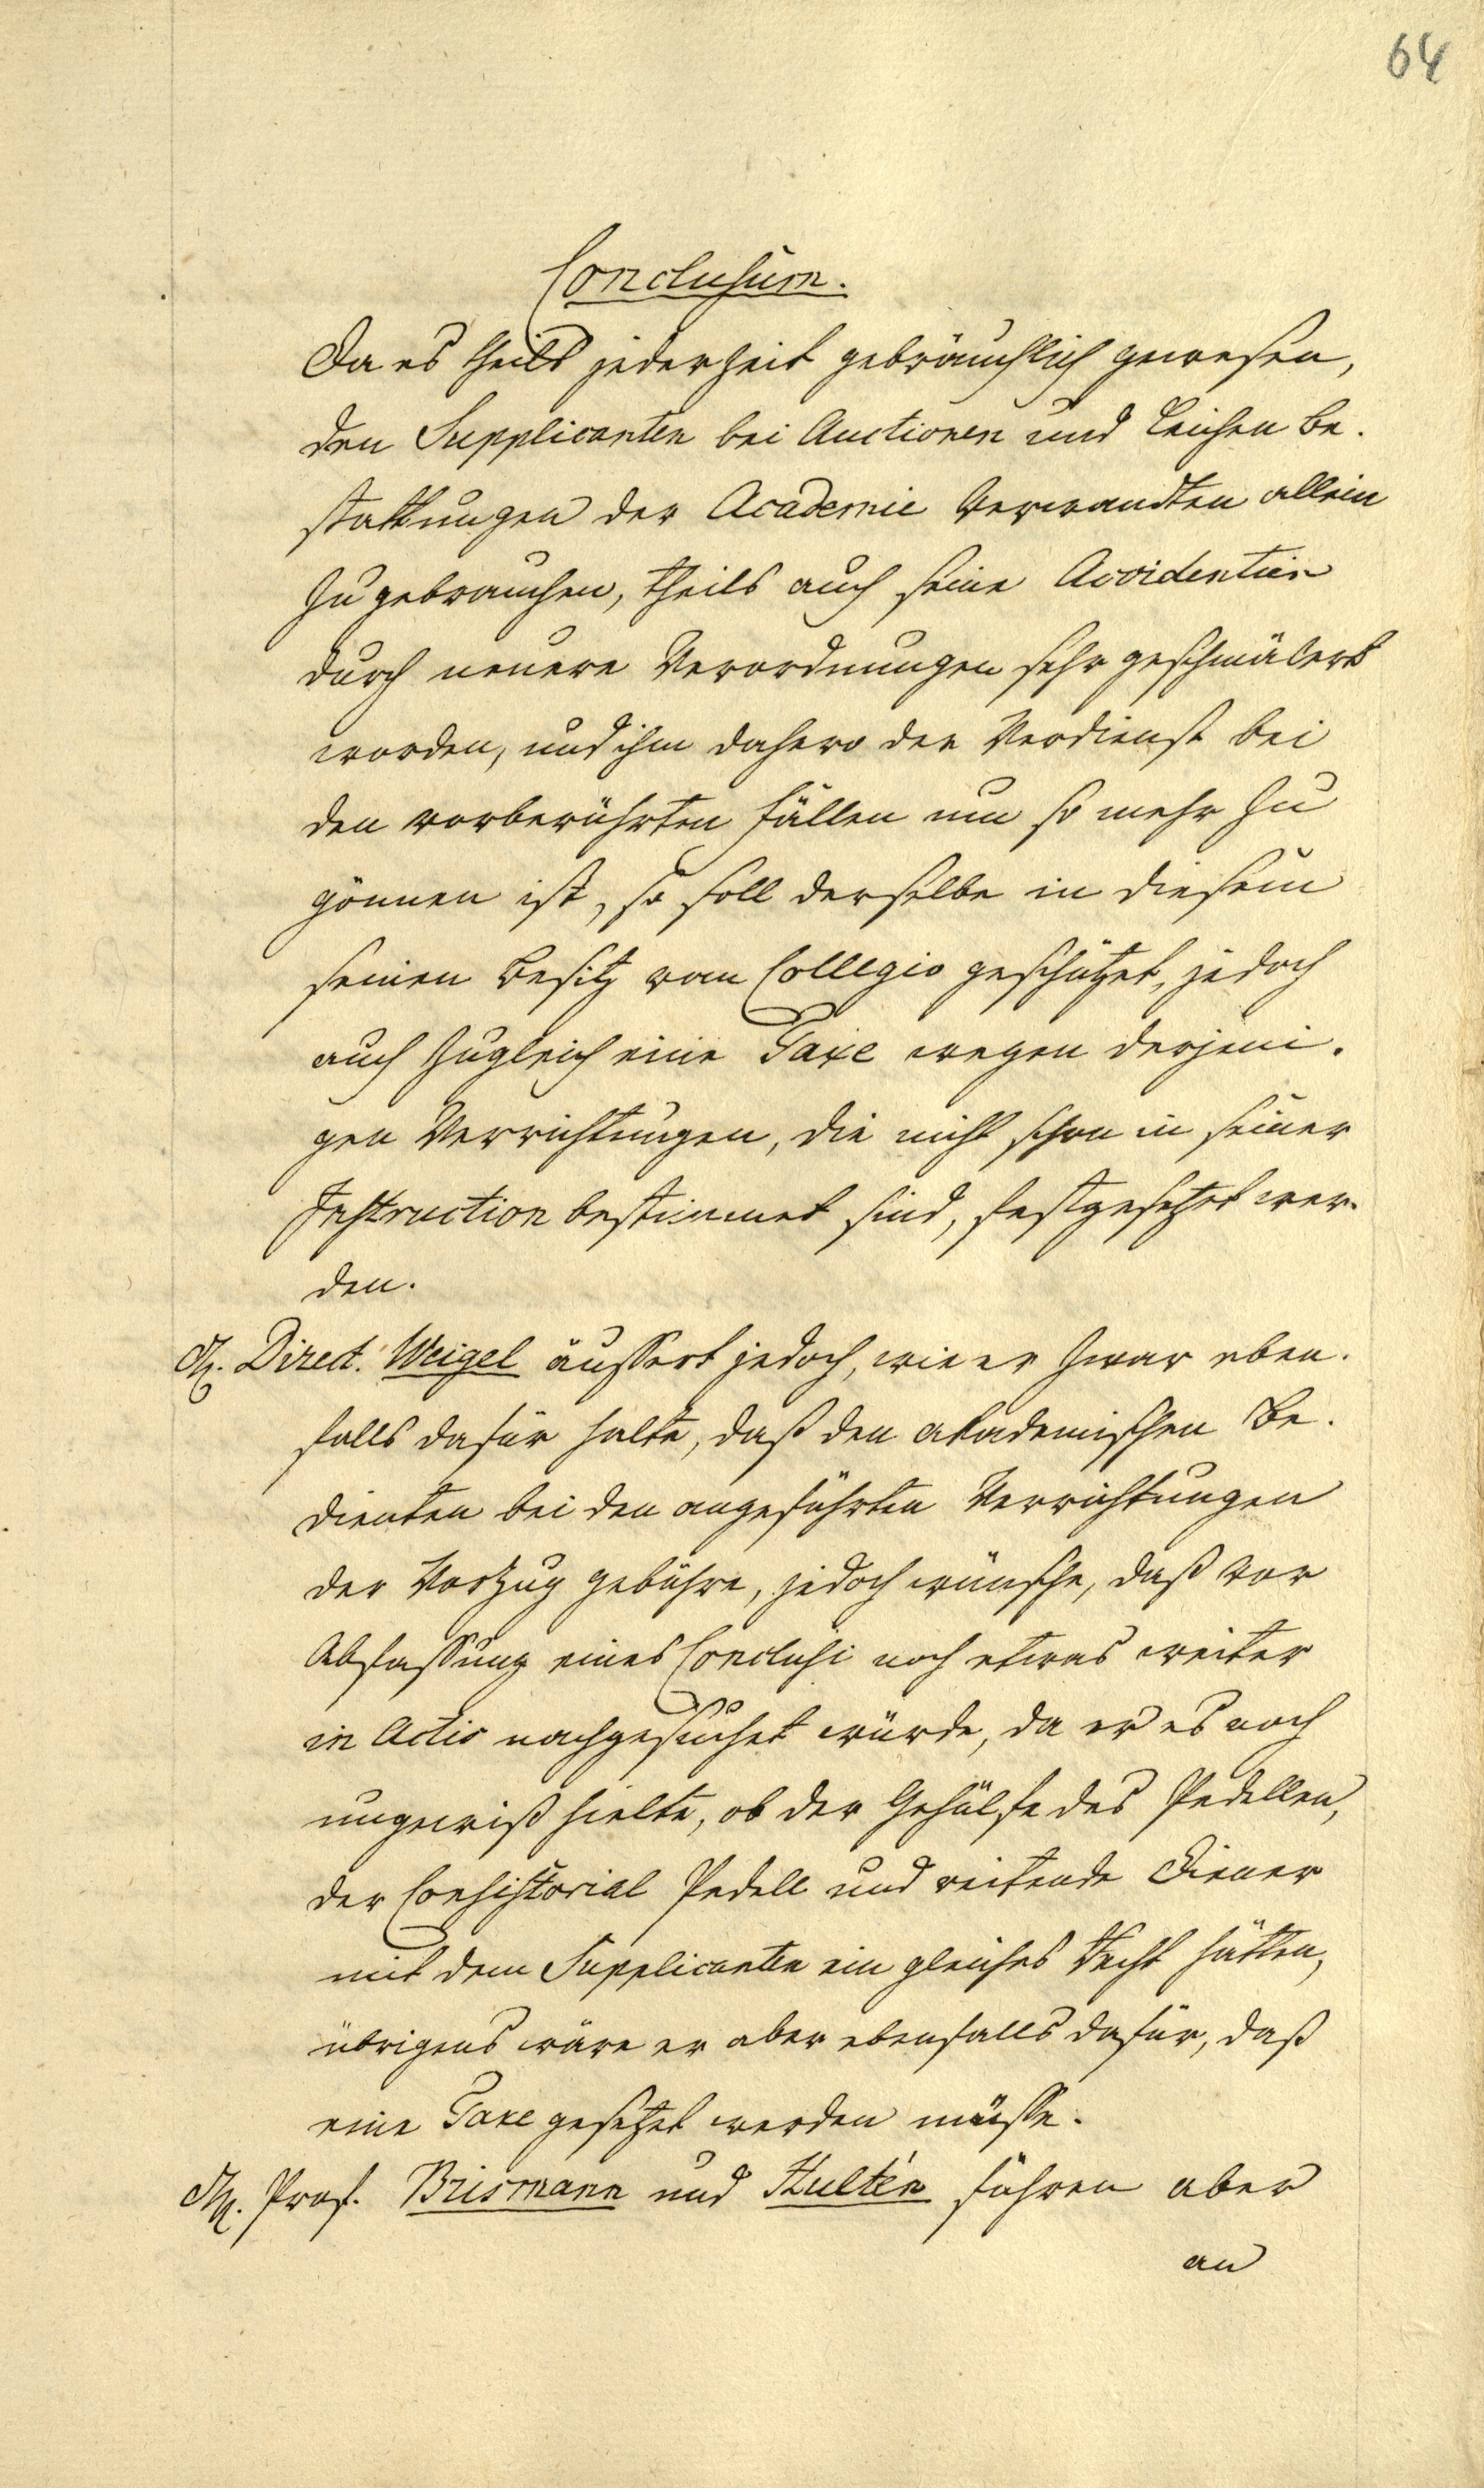Conclusum
Da es theils jederzeit gebräuchlich gewesen,
den Supplicanten bei Auctionen und Leichen Be¬
stattungen der Academie Verwandten allein
zu gebrauchen, theils auch seine Accidentien
durch neuere Verordnungen sehr geschmälert
worden, und ihm dahero der Verdienst bei
den vorberührten Fällen um so mehr zu
gönnen ist, so soll derselbe in diesem
seinen Besitz vom Collegio geschützet, jedoch
auch zugleich eine Taxe wegen derjeni¬
gen Verrichtungen, die nicht schon in seiner
Instruction bestimmet sind, festgesetzet wer¬
den.
dh. Direct. Weigel äussert jedoch, wie er zwar eben¬
falls dafür halte, daß den akademischen Be¬
dienten bei den angeführten Verrichtungen
der Vorzug gebühre, jedoch wünsche, daß vor
Abfassung eines Conclusi noch etwas weiter
in Actis nachgesuchet würde, da er es noch
ungewiß hielte, ob der Gehülfe des Pedellen,
der Consistorial Pedell und reitende Diener
mit dem Supplicanten ein gleiches Recht hätten.
übrigens wäre er aber ebenfalls dafür, daß
eine Taxe gesetzet werden müsse.
dh. Prof. Brismann und Hultén führen aber
an